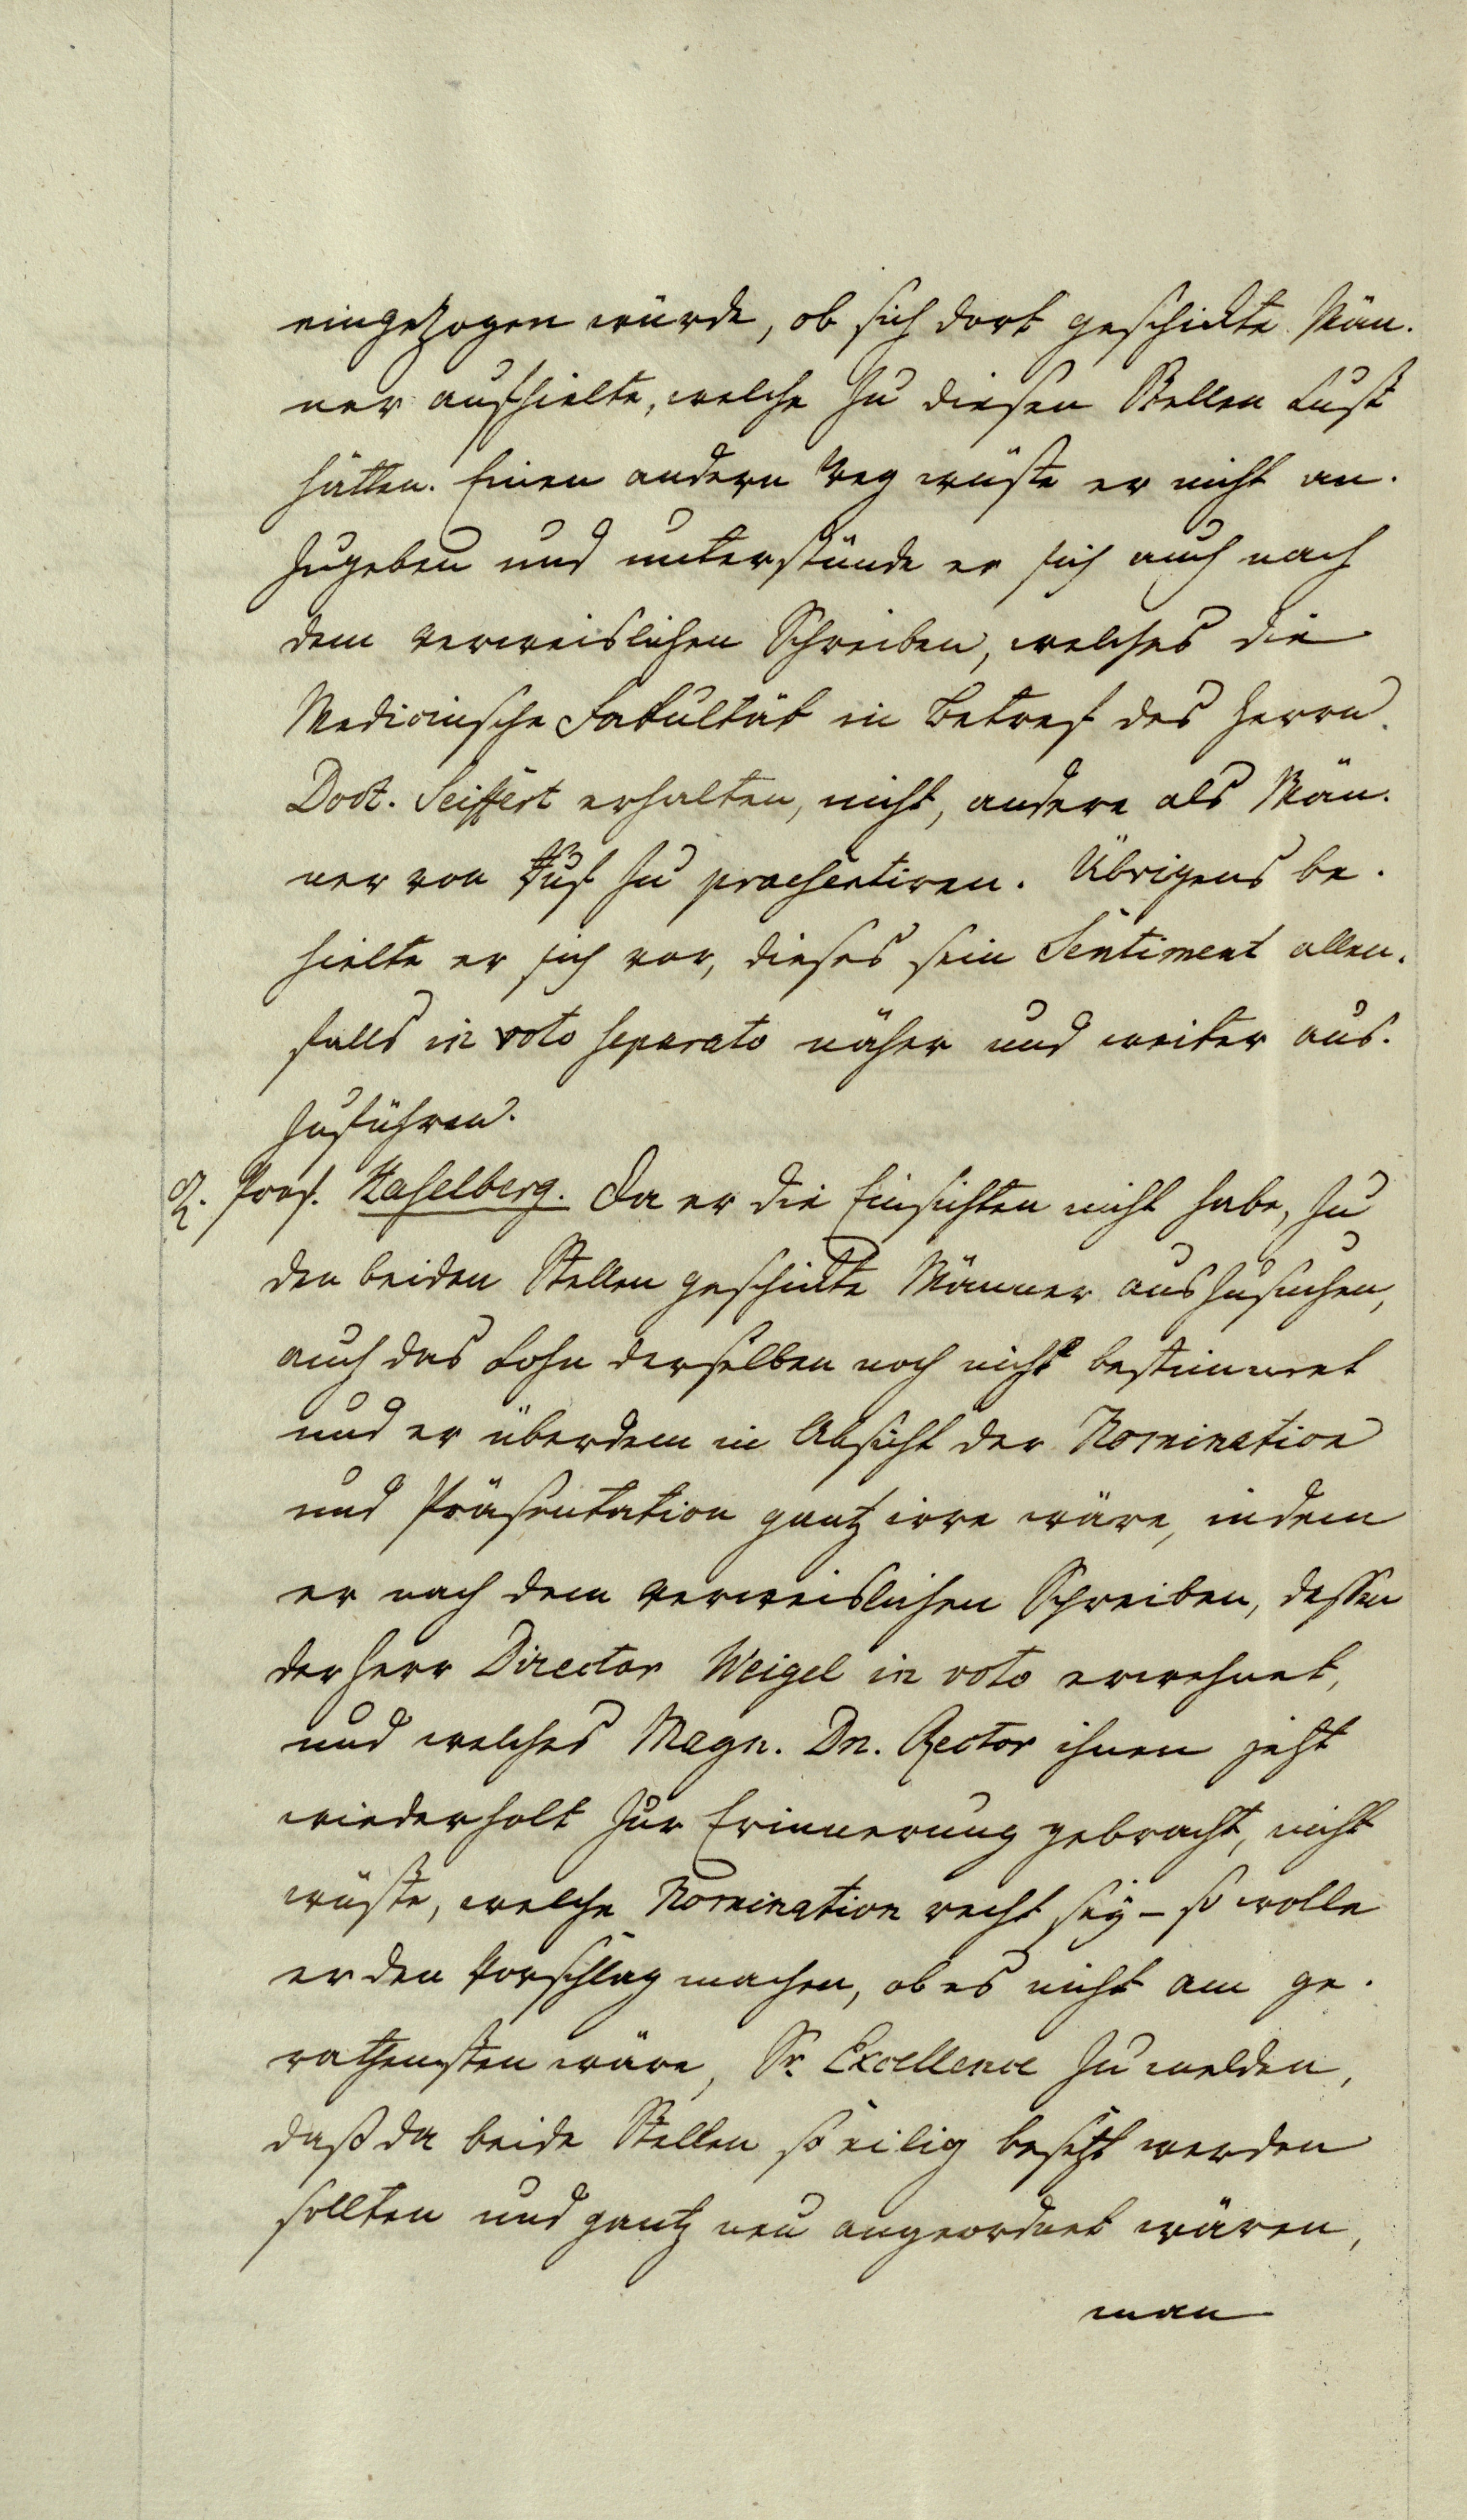eingezogen würde, ob sich dort geschickte Män¬
ner aufhielten, welche zu diesen Stellen Lust
hätten. Einen andern Weg wüßte er nicht an¬
zugeben und unterstünde er sich auch nach
dem verweislichen Schreiben, welches die
Medicinische Fakultät in Betref des Herrn
Doct. Seiffert erhalten, nicht, andere als Män¬
ner von Ruf zu praesentiren. Übrigens be¬
hielte er sich vor, dieses sein Sentiment allen¬
falls in voto separato näher und weiter aus¬
zuführen.
dh. Prof. Haselberg. Da er die Einsichten nicht habe, zu
den beiden Stellen geschickte Männer auszusuchen,
auch das Lohn derselben noch nicht bestimmt
und er überdem in Absicht der Nomination
und Präsentation gantz irre wäre, indem
er nach dem verweislichen Schreiben, dessen
der Herr Director Weigel in voto erwehnet,
und welches Magn. Dn. Rector ihnen jetzt
wiederholt zur Erinnerung gebracht, nicht
wüßte, welche Nomination recht seÿ — so wolle
er den Vorschlag machen, ob es nicht am ge¬
rathensten wäre, Sr. Excellence zu melden,
daß da beide Stellen so eilig besetzt werden
sollten und gantz neu angeordnet wären,
man